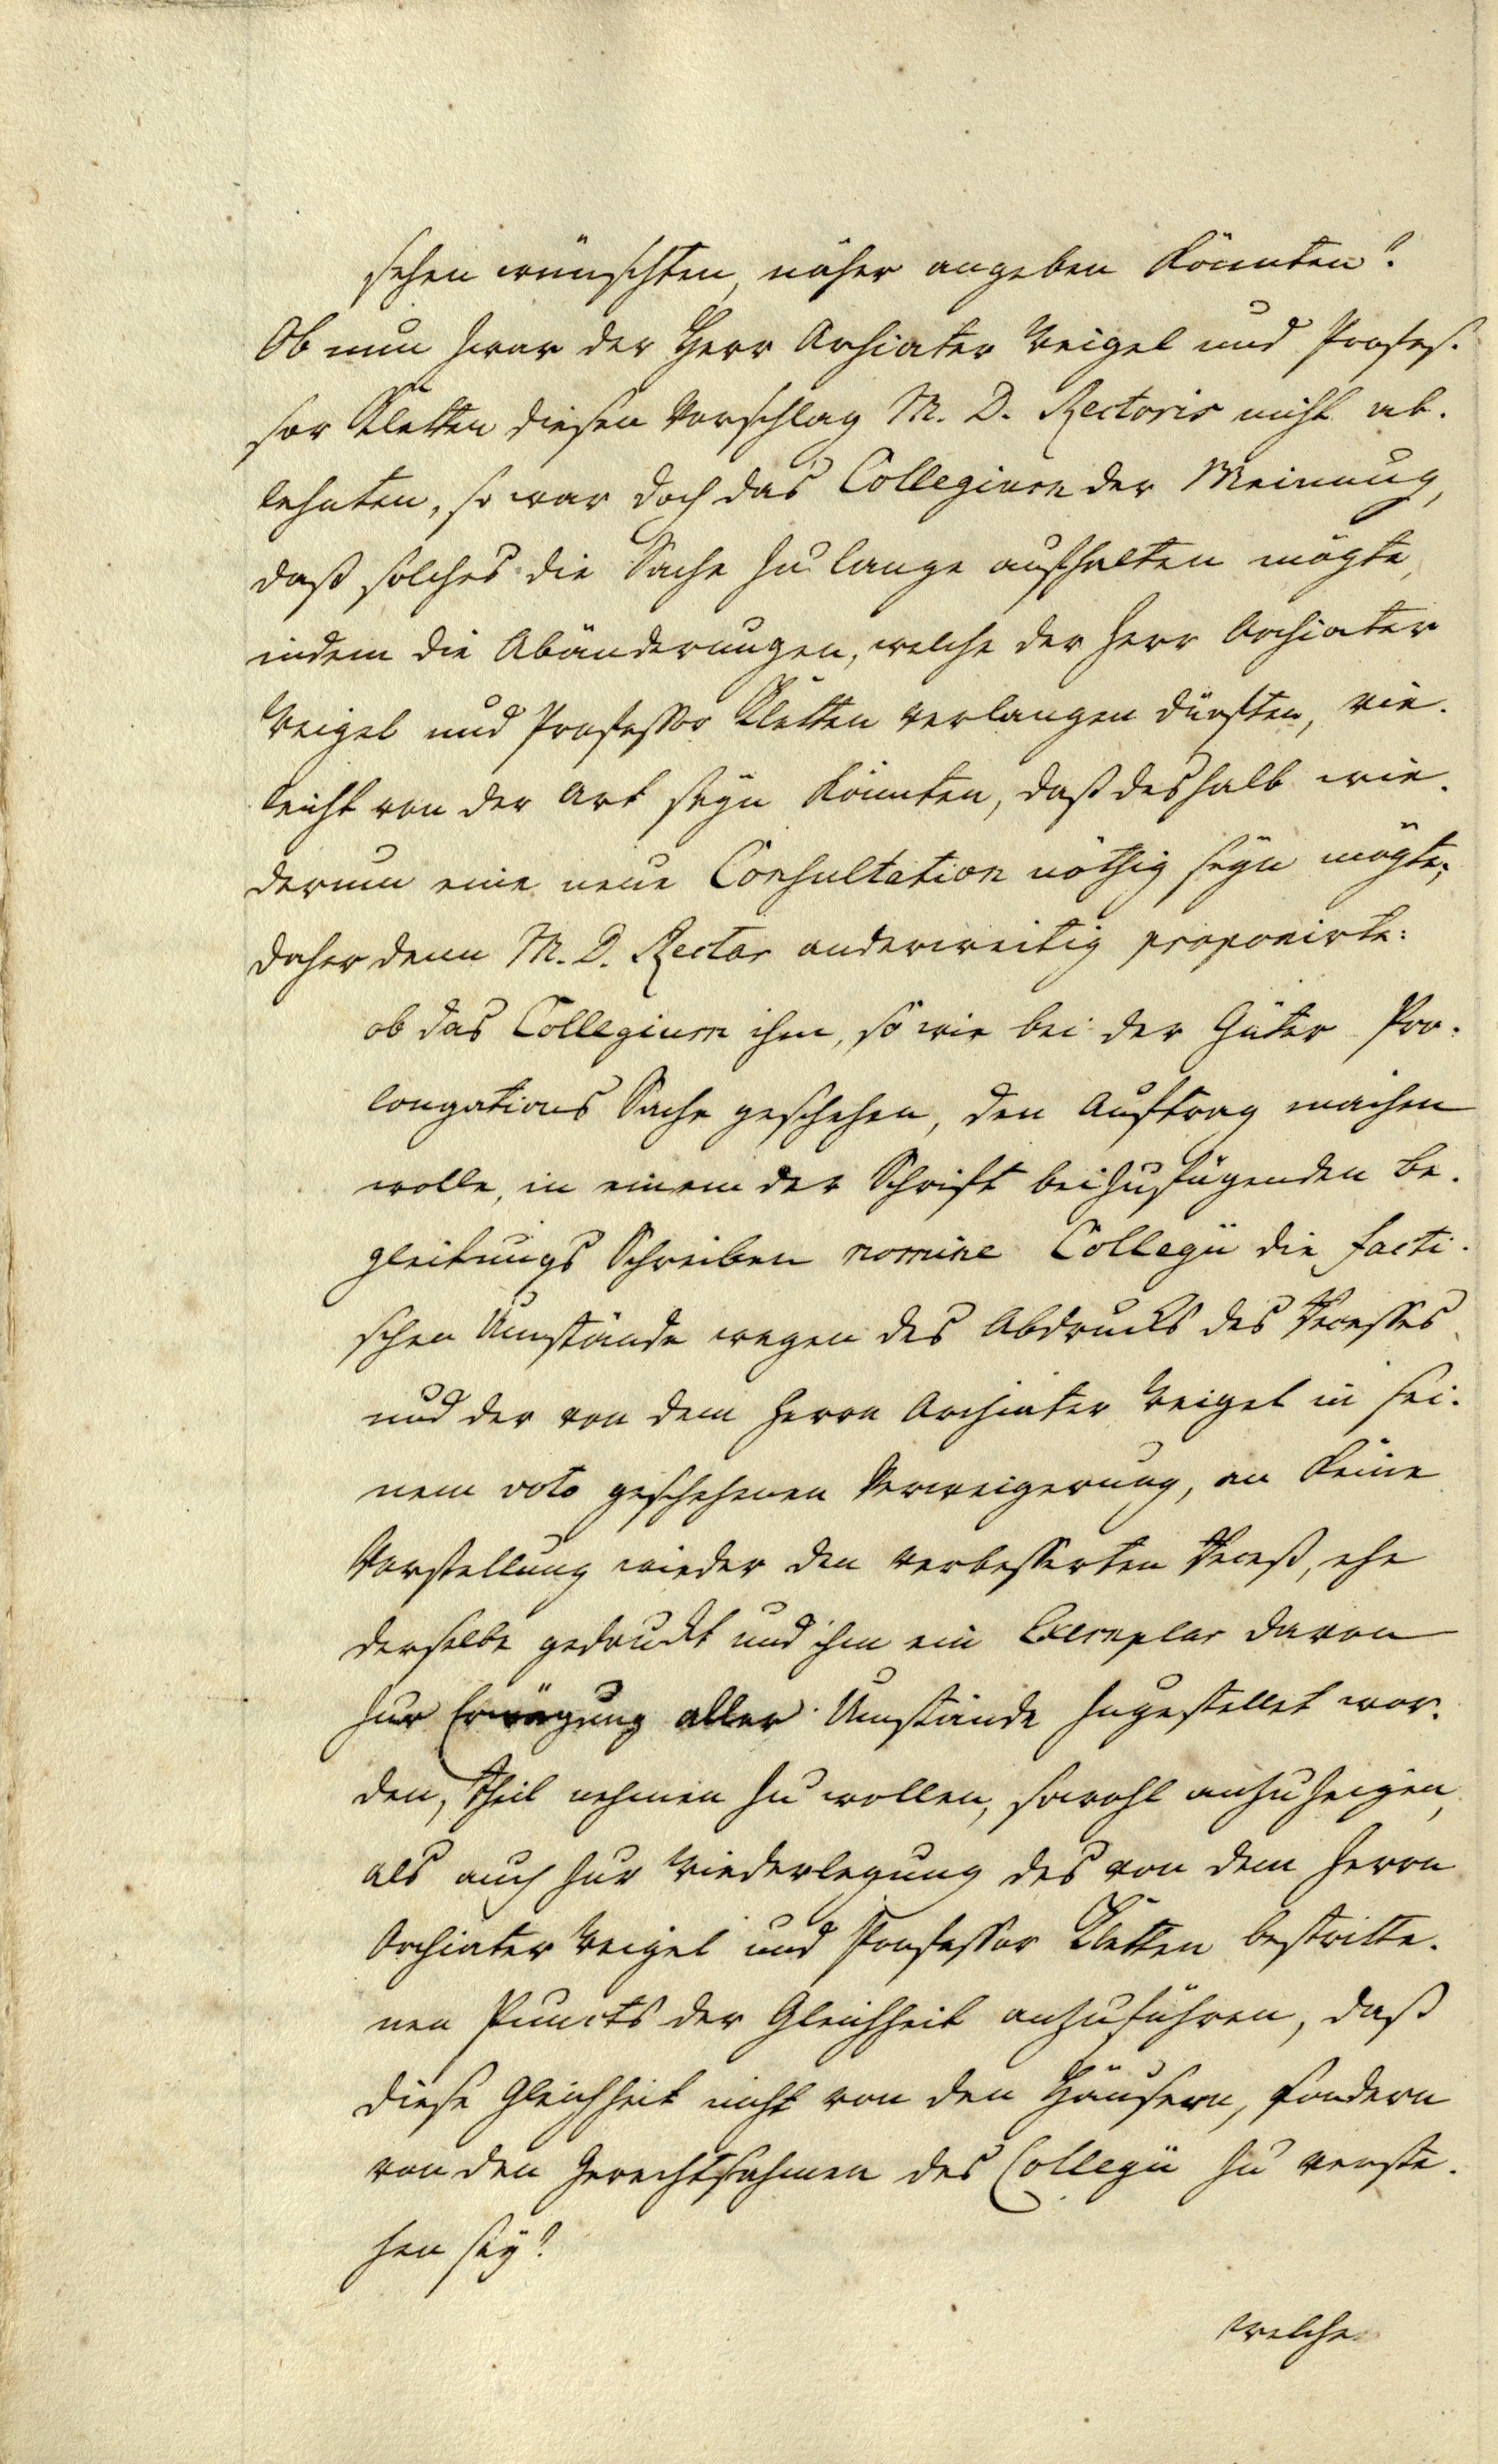sehen wünschten, näher angeben könnten?
Ob nun zwar der Herr Archiater Weigel und Profes¬
sor Kletten diesen Vorschlag M. D. Rectoris nicht ab¬
lehnten, so war doch das Collegium der Meinung,
daß solches die Sache zu lange aufhalten mögte,
indem die Abänderungen, welche der Herr Archiater
Weigel und Professor Kletten verlangen dürften, vie¬
leicht von der Art seÿn könnten, daß deshalb wie¬
derum eine neue Consultation nöthig seyn mögte;
daher denn M. D. Rector anderweitig proponirte:
ob das Collegium ihm, so wie bei der Güter Pro¬
longations Sache geschehen, den Auftrag machen
wolle, in einem der Schrift beizufügenden Be¬
gleitungs Schreiben nomine Collegii die facti¬
schen Umstände wegen des Abdrucks des Recesses
und der von dem Herrn Archiater Weigel in sei¬
nem voto geschehenen Verweigerung, an keine
Vorstellung wieder den verbesserten Receß, ehe
derselbe gedruckt und ihm ein Exemplar davon
zur Erwägung aller Umstände zugestellet wor¬
den, Theil nehmen zu wollen, sowohl anzuzeigen,
als auch zur Wiederlegung des von dem Herrn
Archiater Weigel und Professor Kletten bestritte¬
nen Puncts der Gleichheit anzuführen, daß
diese Gleichheit nicht von den Häusern, sondern
von den Gerechtsahmen des Collegii zu verste¬
hen seÿ?
Welche